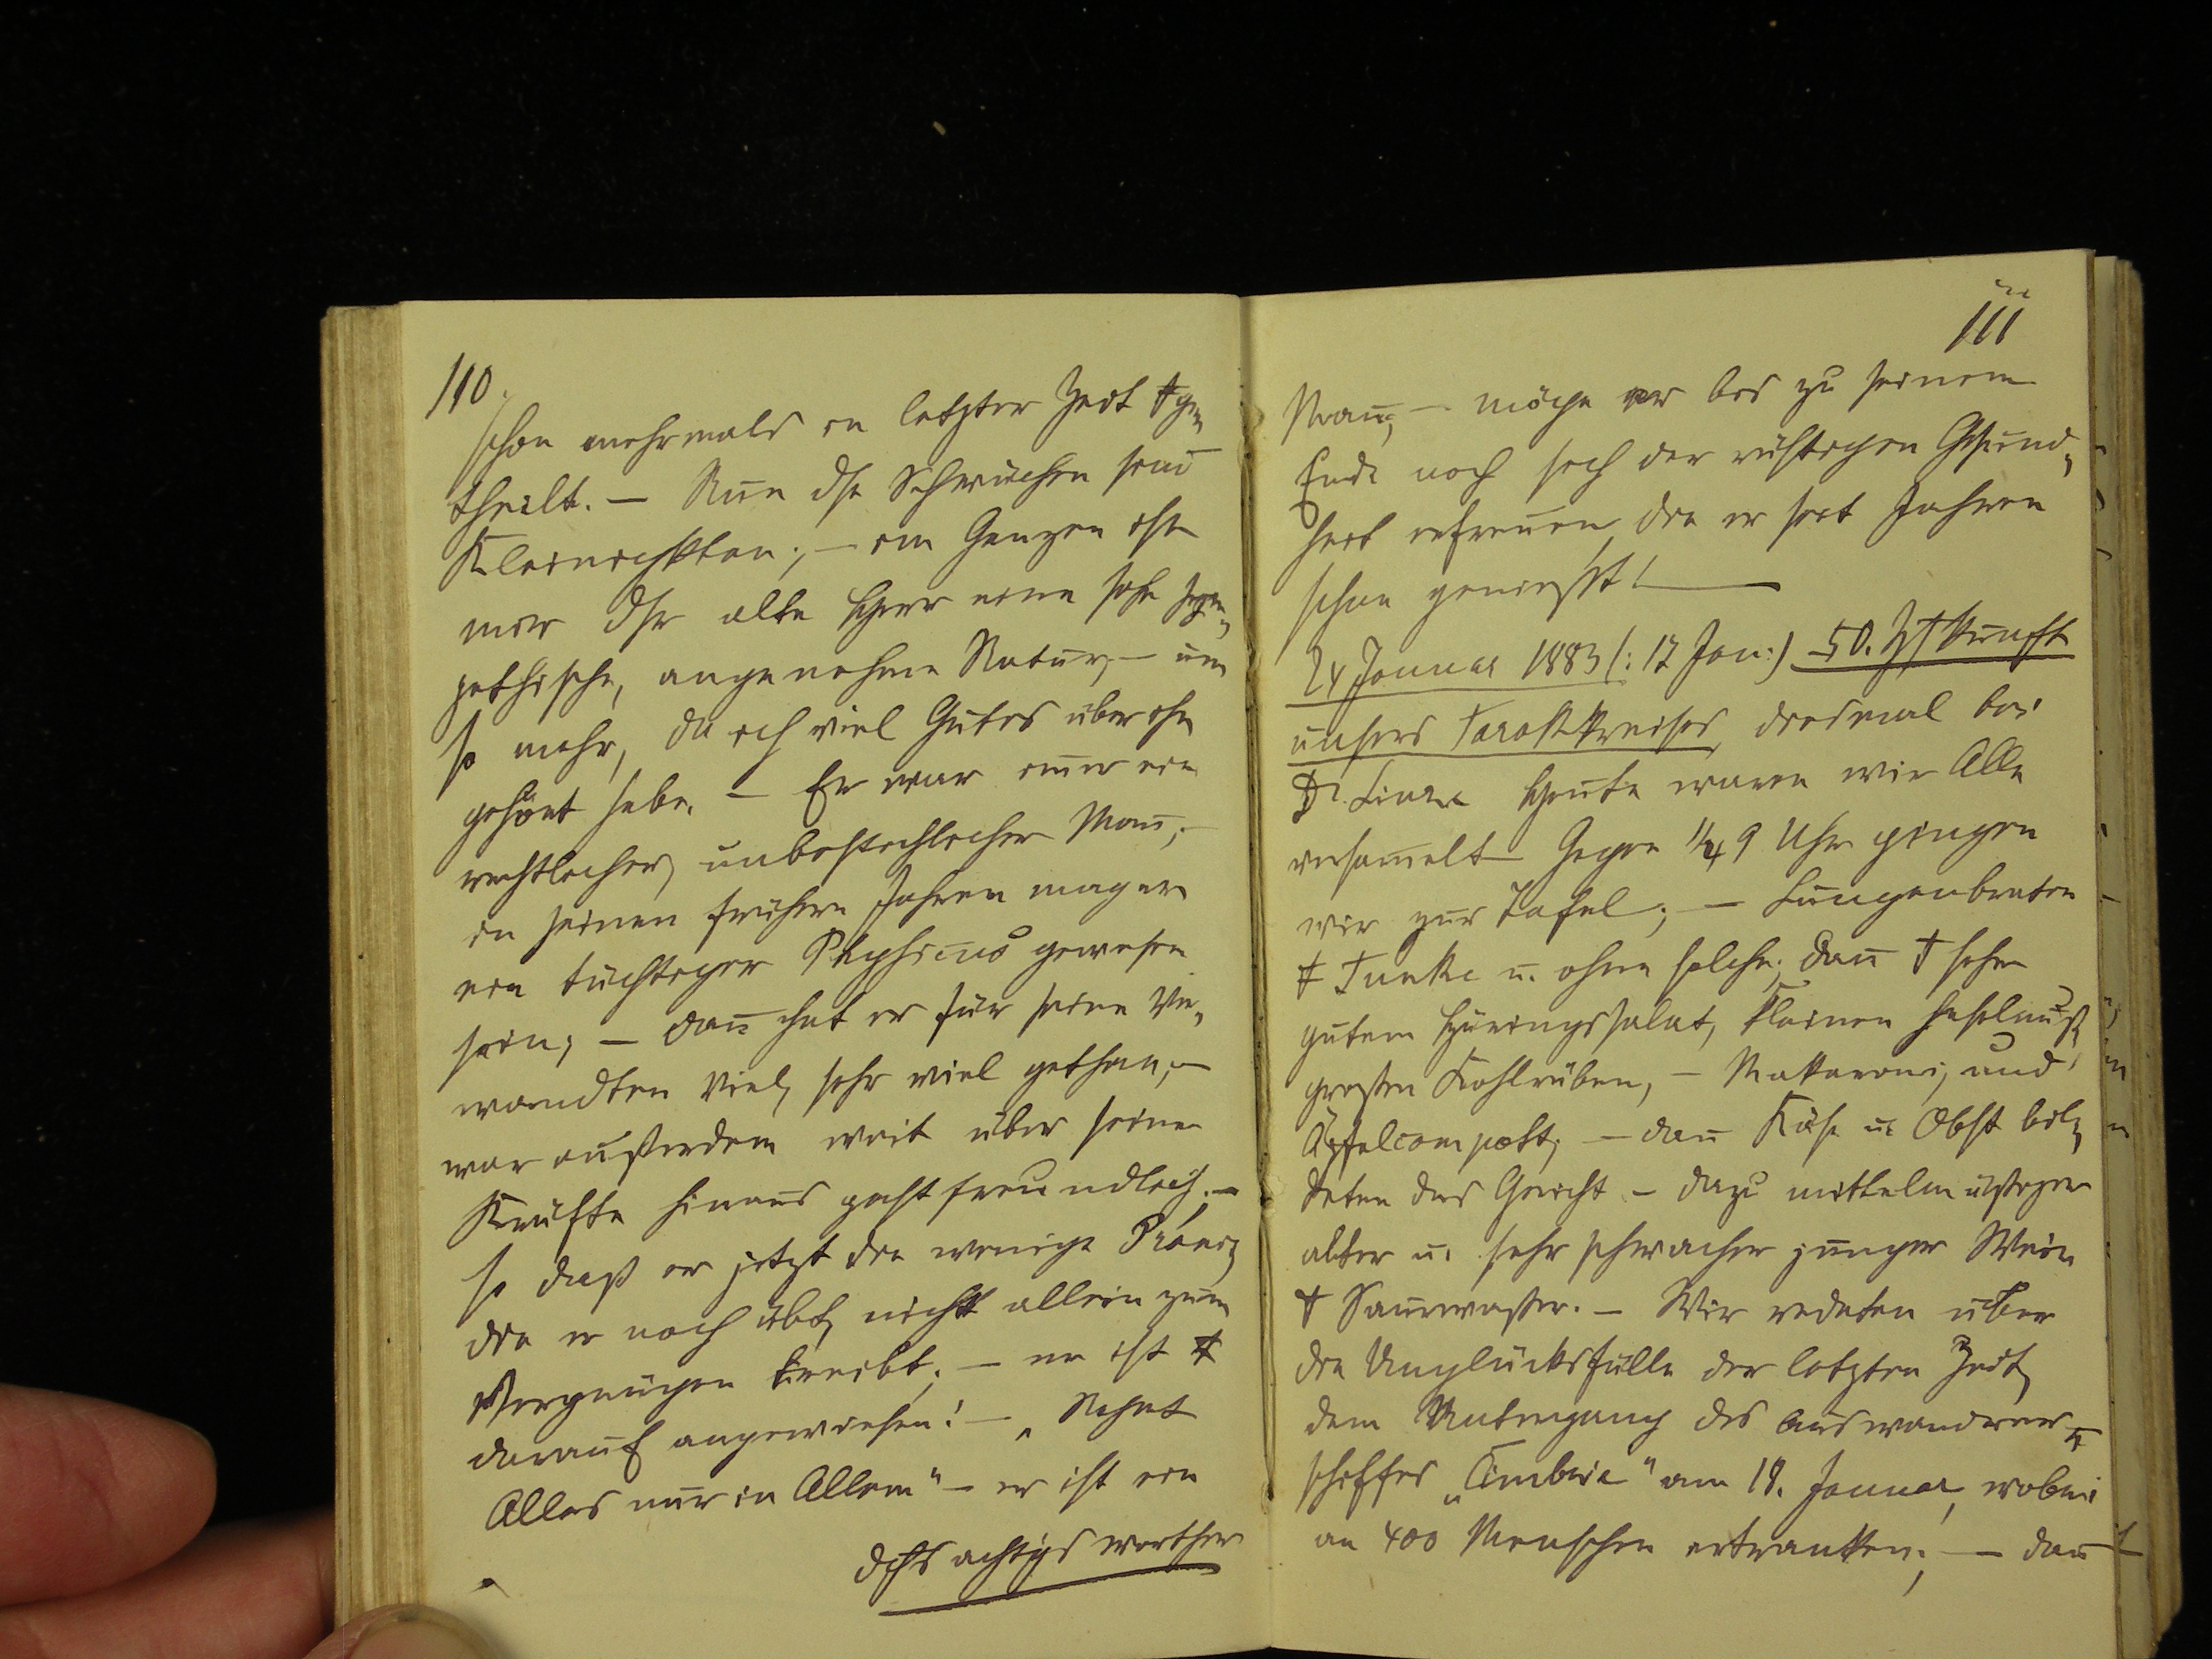110
schon mehrmals in letzter Zeit mitge¬
theilt. - Nur dse Schwächen sind
Kleinigkeiten; - im Ganzen ist
mir dsr alte Herr eine sehr sym¬
pathische, angenehme Natur, - um
so mehr, da ich viel Gutes über ihn
gehört habe. - Er war immer ein
rechtlicher, unbestechlicher Mann,
in seinen frühen Jahren mag er
ein tüchtiger Physicus gewesen
sein; - dann hat er für seine Ver¬
wandten viel, sehr viel gethan,-
war außerdem weit über seine
Kräfte hinaus gastfreundlich; -
so das er jetzt die wenige Praxis,
die er noch übt, nicht allein zum
Vergnügen treibt, - er ist
darauf angewiesen! - „ Nehmt
Alles nur in Allem“ - er ist ein
durchaus achtungswerther
111
Mann, - möge er bis zu seinem
Ende noch sich der rüstigen Gesund¬
heit erfreuen, die er seit Jahren
schon genießt.—
24. Januar 1883 (.17.Jan: ) - 50. Zskunft
unsers Tarokkreises diesmal
bei Dr. Linzer. Heute waren wir Alle
versamelt - Gegen ¼ 9 gingen
wir zur Tafel; - Lungenbraten
mit Tunke u. ohne solche, - dan mit sehr
gutem Heringssalat, kleinen haselnuss¬
großen Kohlrüben, - Makaroni, und
Äpfelcompott; - dann Käse und Obst been¬
deten das Gericht, - dazu mittelmäßigen alten
und sehr schwachen jungen Wein
mit Sauerwasser.- Wir redeten über
die Unglücksfülle der letzten Zeit,
dem Untergang des Auswanderer¬
schiffes ??? vom 18. Januar, wobei
an 400 Menschen ertranken; - dan